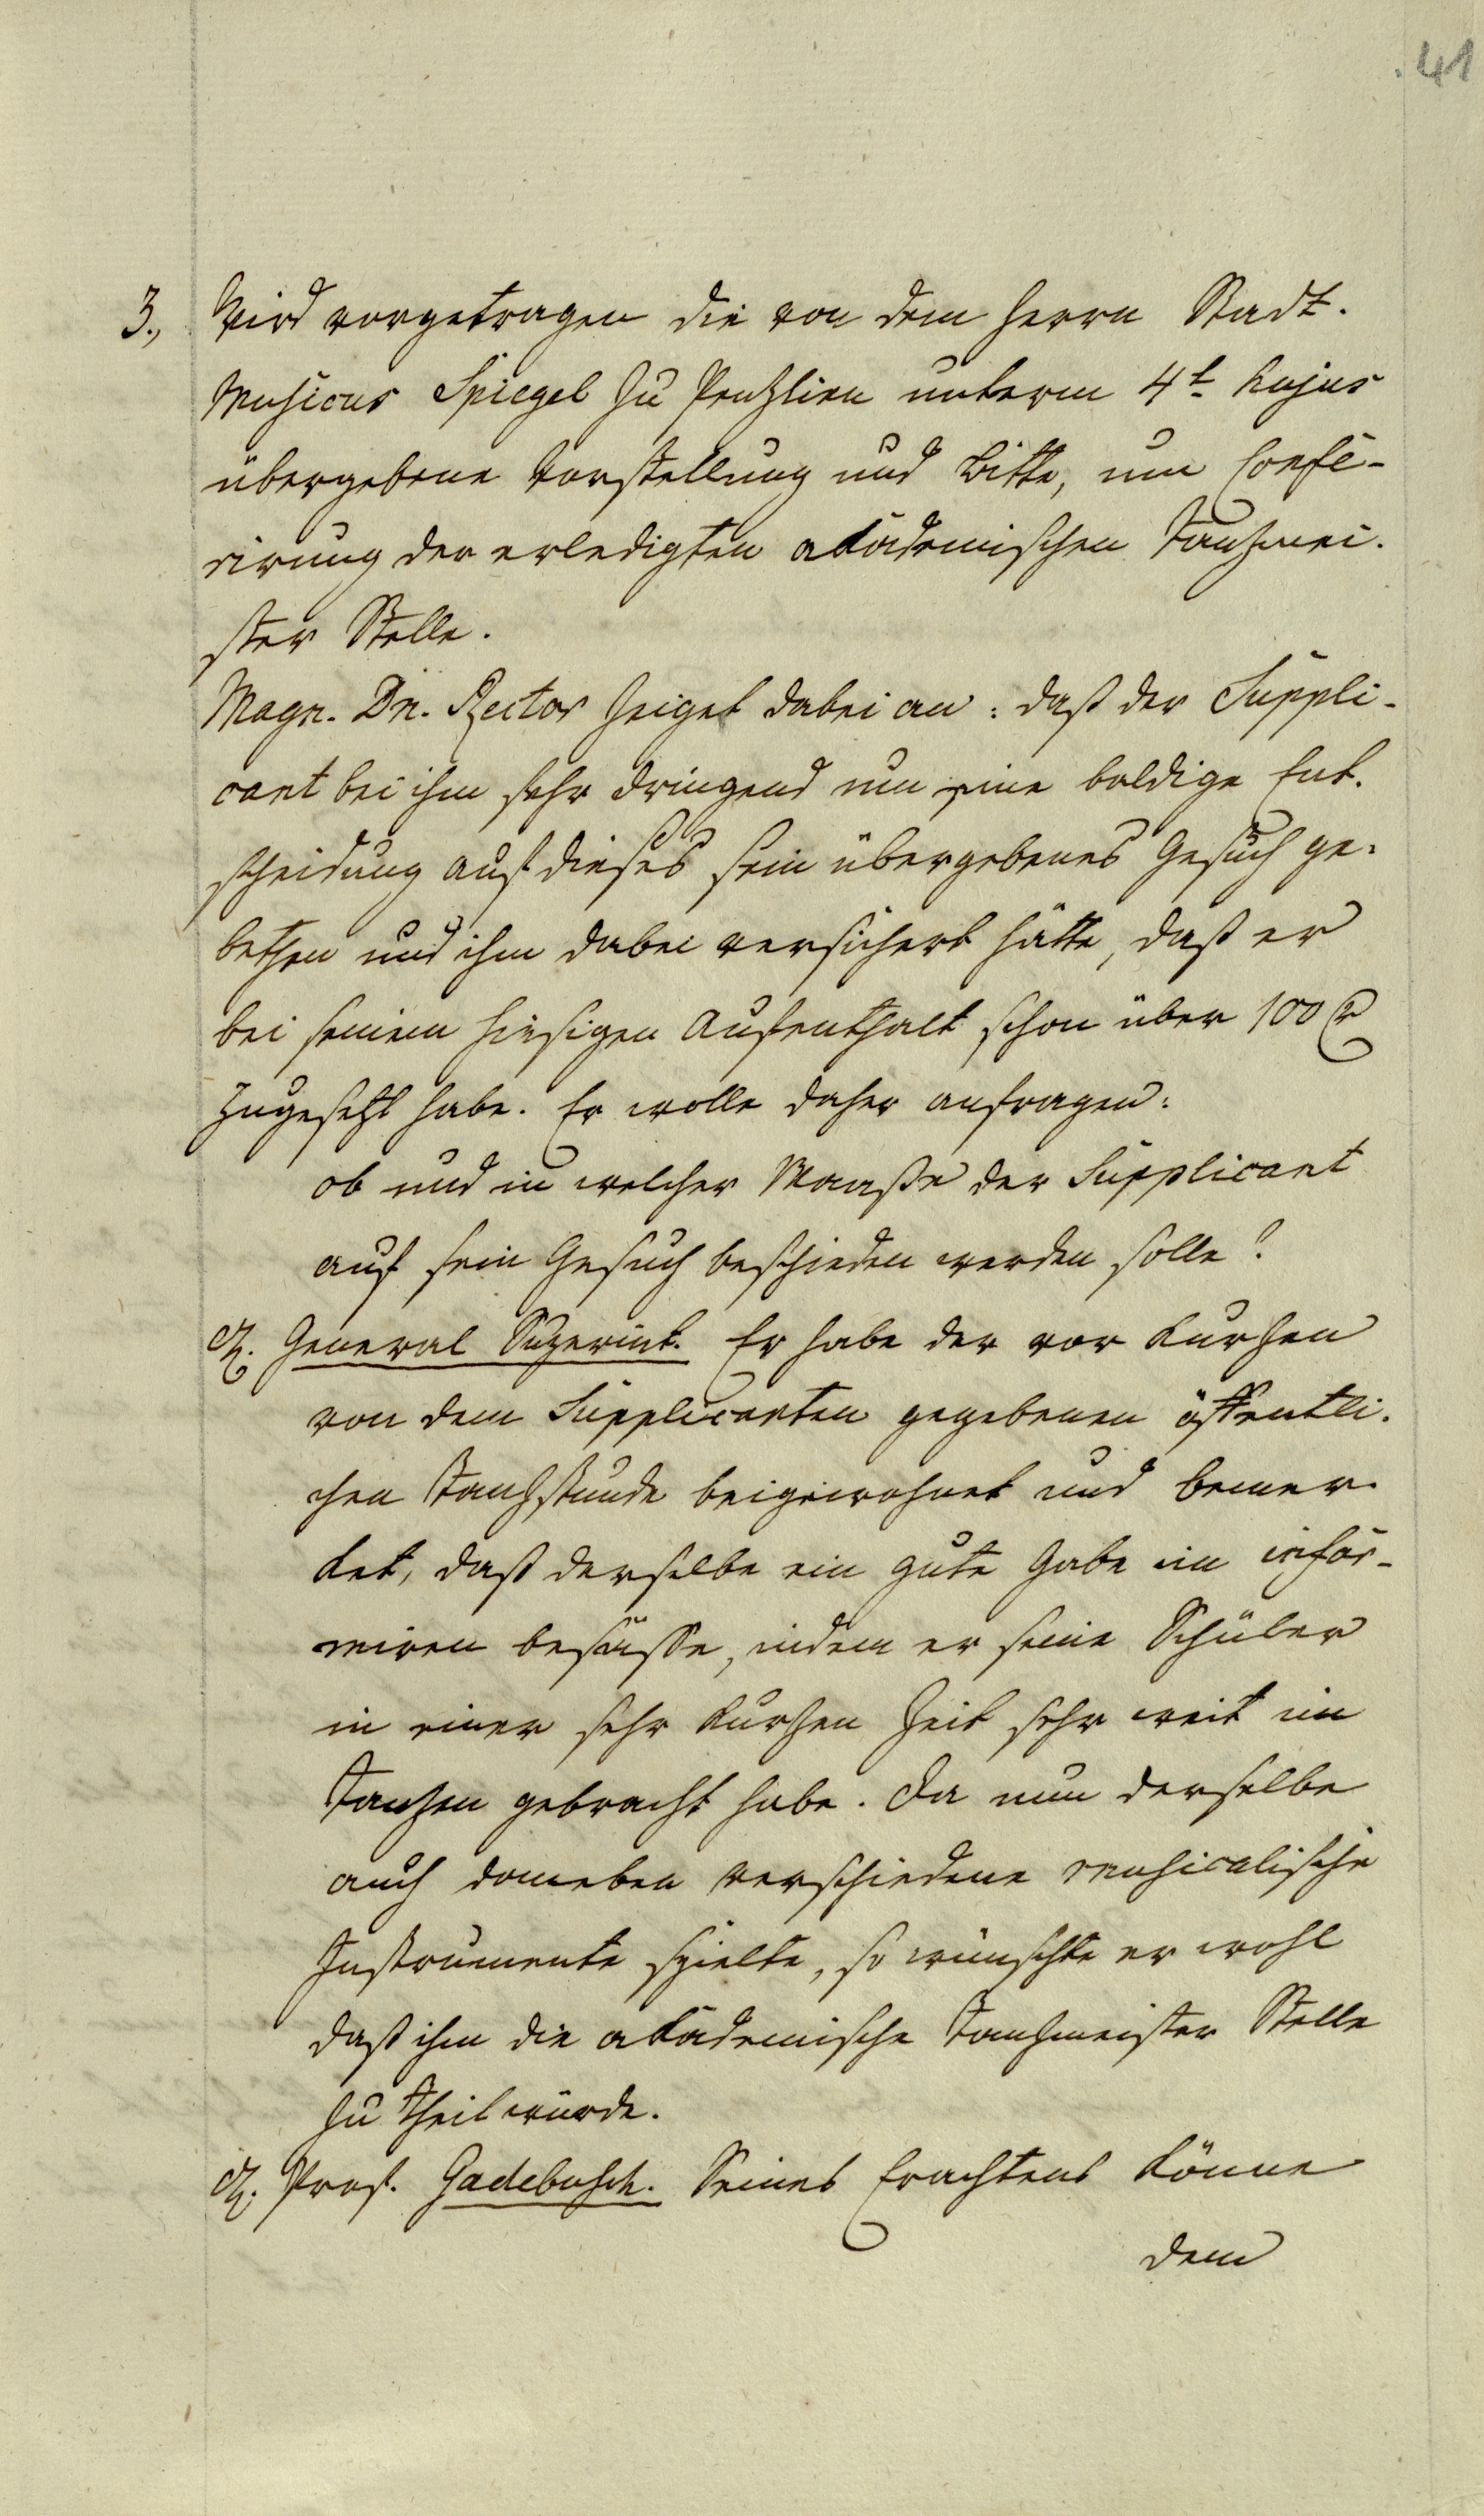3., Wird vorgetragen die vom dem Herrn Stadt¬
Musicus Spiegel zu Penzlien unterm 4t. hujus
übergebene Vorstellung und Bitte, um Confe¬
rirung der erledigten akademischen Tanzmei¬
ster Stelle.
Magn. Dn. Rector zeiget dabei an: daß der Suppli¬
cant bei ihm sehr dringend um eine baldige Ent¬
scheidung auf dieses sein übergebenes Gesuch ge¬
bethen und ihm dabei versichert hätte, daß er
bei seinem hiesigen Aufenthalt schon über 100 rtl.
zugesetzt habe. Er wolle daher anfragen:
ob und in welcher Maaße der Supplicant
auf sein Gesuch beschieden werden solle?
dh. General Superint. Er habe der vor kurzen
von dem Supplicanten gegebenen öffentli¬
chen Tanzstunde beigewohnet und bemer¬
ket, daß derselbe ein gute Gabe im infor¬
miren besässe, indem er seine Schüler
in einer sehr kurzen Zeit sehr weit im
Tanzen gebracht habe. Da nun derselbe
auch daneben verschiedene musicalische
Instrumente spielte, so wünschte er wohl
daß ihm die akademische Tanzmeister Stelle
zu Theil würde.
dh. Prof. Gadebusch. Seines Erachtens könne
dem